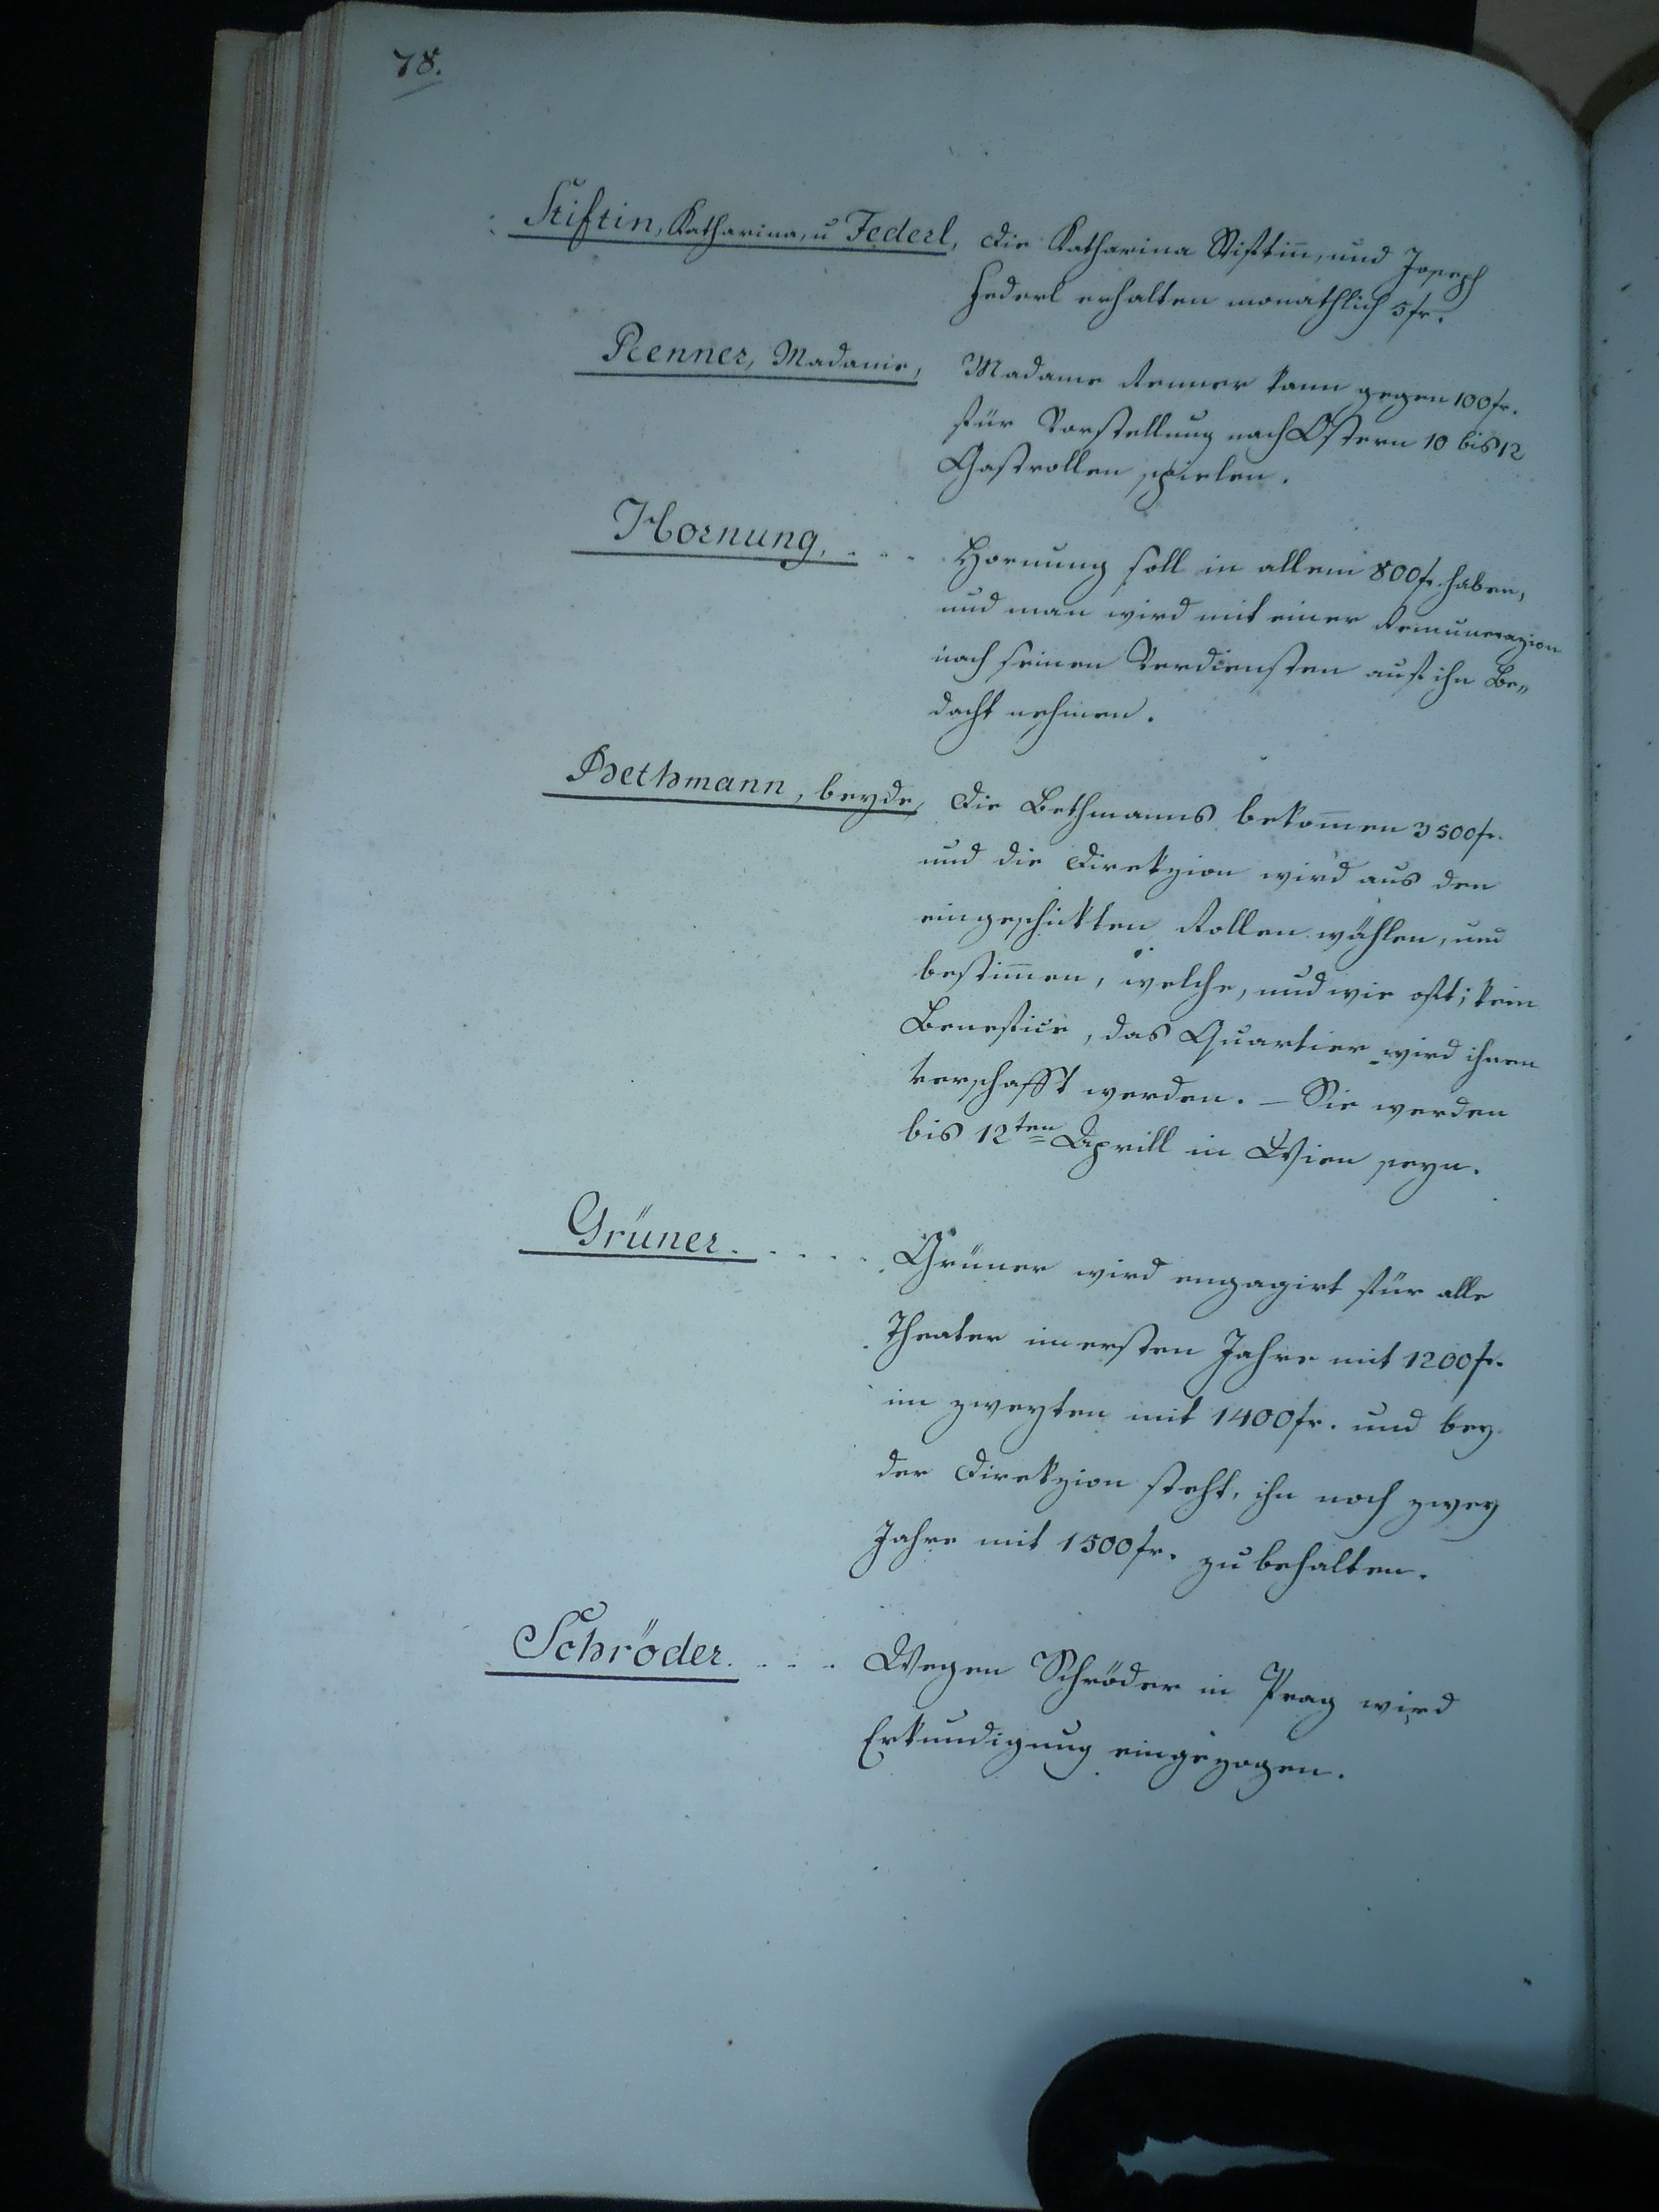78.
Stiftin, Katharina, u Federl, Die Katharina Stiftin̅, und Joseph
Federl ehalten monathlich 5fr.
Renner, Madame, Madame Renner kann gegen 100fr.
für Vorstellung nach Ostern 10 bis 12
Gastrollen spielen.
Hornung. .. .. .. Hornung soll in allem 800fr. haben,
und man wird mit einer Remunerazion
nach seinen Verdiensten auf ihn be¬
dacht nehmen.
Bethmann, beyde, Die Bethmanns bekom̅en 3500fr.
und die Direkzion wird aus den
eingeschickten Rollen wählen, und
bestim̅en, welche, und wie oft; kein
Benefice, das Quartier wird ihnen
verschafft werden. _ Sie werden
bis 12te̳n Aprill in Wien seyn.
Grüner . . . . . Grüner wird engagirt für alle
Theater im ersten Jahre mit 1200fr.
im zweyten mit 1400fr. und bey
der Direkzion steht, ihn noch zwey
Jahre mit 1500fr. zu behalten.
Schröder. .. .. .. Wegen Schröder in Prag wird
Erkundigung eingezogen.